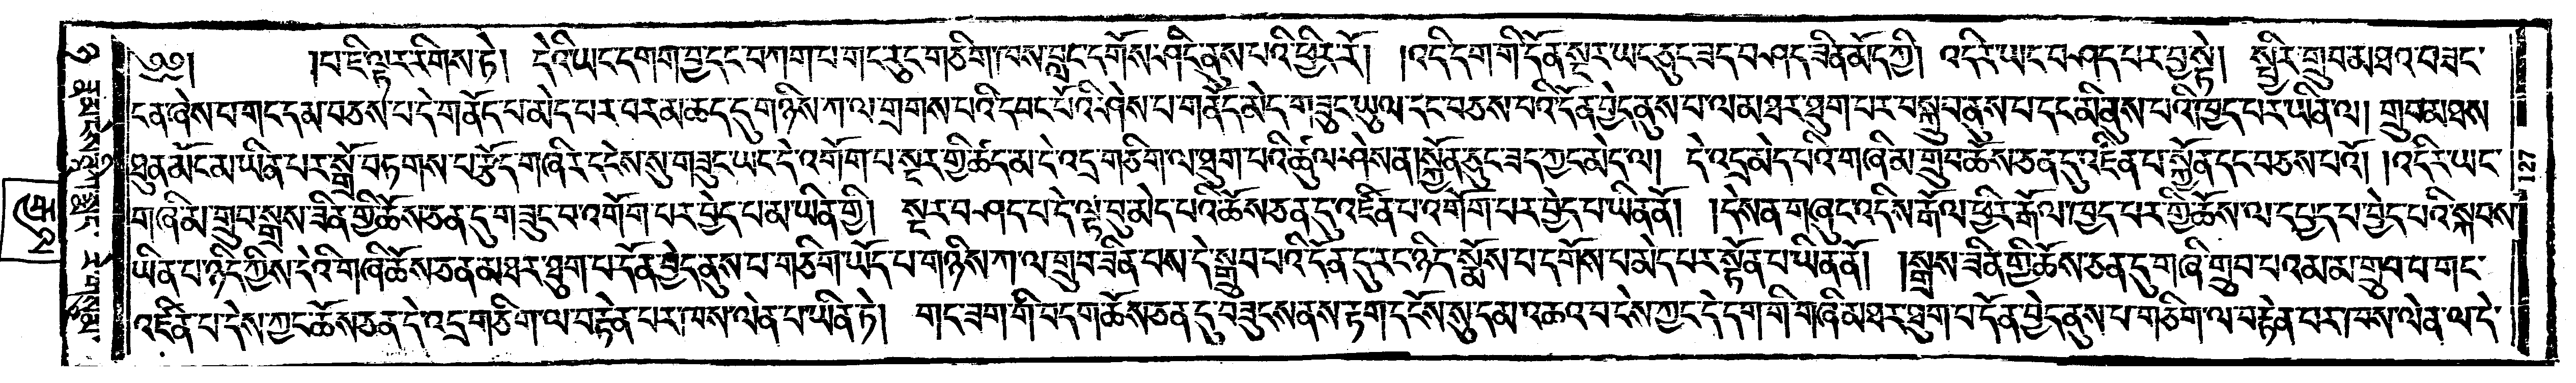༄༅། །པ་ཇི་ལྟར་རིགས་ཏེ། དེའི་ཡང་དགག་བྱ་དང་བཀག་པ་གང་རུང་གཅིག་ཁས་བླང་དགོས་ཤིང་ནུས་པའི་ཕྱིར་རོ། །འདི་དག་གི་དོན་སྔར་ཡང་ཅུང་ཟད་བཤད་ཟིན་མོད་ཀྱི། འདིར་ཡང་བཤད་པར་བྱ་སྟེ། སྤྱིར་གྲུབ་མཐའ་བཟང་
ངན་ཞེས་པ་གང་དམ་བཅས་པ་དེ་གནོད་པ་མེད་པར་བར་མ་ཆད་དུ་གཉིས་ཀ་ལ་གྲགས་པའི་དབང་པོའི་ཤེས་པ་གནོད་མེད་གཟུང་ཡུལ་དང་བཅས་པའི་དོན་བྱེད་ནུས་པ་ལ་མཐར་ཐུག་པར་བསྒྲུབ་ནུས་པ་དང་མི་ནུས་པའི་ཁྱད་པར་ཡིན་ལ། གྲུབ་མཐས་
ཐུན་མོང་མ་ཡིན་པར་སྒྲོ་བཏགས་པ་རྩོད་གཞིར་དངེས་སུ་གཟུང་ཡང་དེ་འགོག་པ་སྔར་གྱི་ཚད་མ་དེ་འདྲ་གཅིག་ལ་ཐུག་པའི་ཚུལ་ཤེས་ན། སྐྱོན་ཅུང་ཟད་ཀྱང་མེད་ལ། དེ་འདྲ་མེད་པའི་གཞི་མ་གྲུབ་ཆོས་ཅན་དུ་འཛིན་པ་སྐྱོན་དང་བཅས་པའོ། །འདིར་ཡང་
གཞི་མ་གྲུབ་སྒྲས་ཟིན་གྱི་ཆོས་ཅན་དུ་གཟུང་བ་འགོག་པར་བྱེད་པ་མ་ཡིན་གྱི། སྔར་བཤད་པ་དེ་ལྟ་བུ་མེད་པའི་ཆོས་ཅན་དུ་འཛིན་པ་འགོག་པར་བྱེད་པ་ཡིན་ནོ། །དེས་ན་གཞུང་འདིས་རྒོལ་ཕྱིར་རྒོལ་ཁྱད་པར་གྱི་ཆོས་ལ་དཔྱད་པ་བྱེད་པའི་སྐབས་
ཡིན་པ་ཉིད་ཀྱིས་དེའི་གཞི་ཆོས་ཅན་མཐར་ཐུག་པ་དོན་བྱེད་ནུས་པ་གཅིག་ཡོད་པ་གཉིས་ཀ་ལ་གྲུབ་ཟིན་པས་དེ་སྒྲུབ་པའི་དོན་དུ་རང་ཉིད་སྨོས་པ་དགོས་པ་མེད་པར་སྟོན་པ་ཡིན་ནོ། །སྒྲས་ཟིན་གྱི་ཆོས་ཅན་དུ་གཞི་གྲུབ་པའམ་མ་གྲུབ་པ་གང་
འཛིན་པ་དེས་ཀྱང་ཆོས་ཅན་དེ་འདྲ་གཅིག་ལ་བརྟེན་པར་ཁས་ལེན་པ་ཡིན་ཏེ། གང་ཟག་གི་བདག་ཆོས་ཅན་དུ་བཟུངས་ནས་རྟག་དངོས་སུ་དམ་འཆའ་བ་ངེས་ཀྱང་དེ་དག་གི་གཞི་མཐར་ཐུག་པ་དོན་བྱེད་ནུས་པ་གཅིག་ལ་བརྟེན་པར་ཁས་ལེན་ལ་དེ་